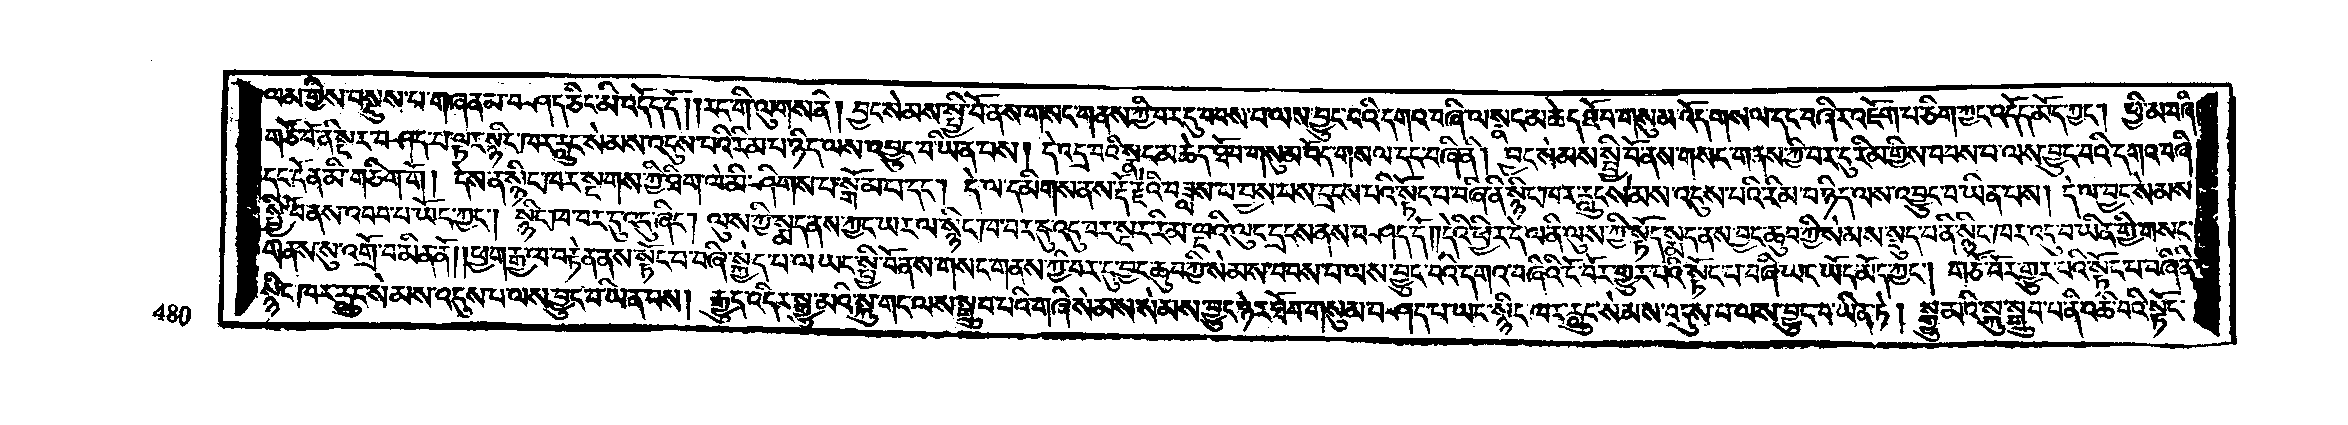ལམ་གྱིས་བསྡུས་པ་གཞན་མ་བཤད་ཅིང་མི་འདོད་དོ། །རང་གི་ལུགས་ནི། བྱང་སེམས་སྤྱི་བོ་ནས་གསང་གནས་ཀྱི་བར་དུ་བབས་པ་ལས་བྱུང་བའི་དགའ་བཞི་ལ་སྣང་མཆེད་ཐོབ་གསུམ་འོད་གསལ་དང་བཞིར་འཇོག་པ་ཅིག་ཀྱང་འདོད་མོད་ཀྱང་། ཕྱི་མ་བཞི་
གཙོ་བོ་ནི་སྔར་བཤད་པ་ལྟར་སྙིང་ཁར་རླུང་སེམས་འདུས་པའི་རིམ་པ་ཉིད་ལས་འབྱུང་བ་ཡིན་པས། དེ་འདྲ་བའི་སྣང་མཆེད་ཐོབ་གསུམ་འོད་གསལ་དང་བཞི་ནི། བྱང་སེམས་སྤྱི་བོ་ནས་གསང་གནས་ཀྱི་བར་དུ་རིམ་གྱིས་བབས་པ་ལས་བྱུང་བའི་དགའ་བཞི་
དང་དོན་མི་གཅིག་གོ །དེས་ན་སྙིང་ཁར་སྔགས་ཀྱི་ཐིག་ལེ་མི་ཤིགས་པ་སྒོམ་པ་དང་། དེ་ལ་དམིགས་ནས་རྡོ་རྗེའི་བཟླས་པ་བྱས་པས་དྲངས་པའི་སྟོང་པ་བཞི་ནི་སྙིང་ཁར་རླུང་སེམས་འདུས་པའི་རིམ་པ་ཉིད་ལས་འབྱུང་བ་ཡིན་པས། དེ་ལ་བྱང་སེམས་
སྤྱི་བོ་ནས་འབབ་པ་ཡོད་ཀྱང་། སྙིང་ཁ་བར་དུ་འདུ་ཞིང་། ལུས་ཀྱི་སྨད་ནས་ཀྱང་ཡར་ལ་སྙིང་ཁ་བར་དུ་འདུ་བར་སྔར་རིམ་ལྔའི་ལུང་དྲངས་ནས་བཤད་དོ། །དེའི་ཕྱིར་དེ་ལ་ནི་ལུས་ཀྱི་སྟོད་སྨད་ནས་བྱང་ཆུབ་ཀྱི་སེམས་སྡུད་པ་ནི་སྙིང་ཁར་འདུ་བ་ཡིན་གྱི་གསང་
གནས་སུ་འགྲོ་བ་མིན་ནོ། །ཕྱག་རྒྱ་ལ་བརྟེན་ནས་སྟོང་པ་བཞི་སྐྱེད་པ་ལ་ཡང་སྤྱི་བོ་ནས་གསང་གནས་ཀྱི་བར་དུ་བྱང་ཆུབ་ཀྱི་སེམས་བབས་པ་ལས་བྱུང་བའི་དགའ་བཞིའི་ངོ་བོར་གྱུར་པའི་སྟོང་པ་བཞི་ཡང་ཡོད་མོད་ཀྱང་། གཙོ་བོར་གྱུར་པའི་སྟོང་པ་བཞི་ནི་
སྙིང་ཁར་རླུང་སེམས་འདུས་པ་ལས་བྱུང་བ་ཡིན་པས། རྒྱུད་འདིར་སྒྱུ་མའི་སྐུ་གང་ལས་སྒྲུབ་པའི་གཞི་སེམས་སེམས་བྱུང་ཉེར་ཐོབ་གསུམ་བཤད་པ་ཡང་སྙིང་ཁར་རླུང་སེམས་འདུས་པ་ལས་བྱུང་བ་ཡིན་ཏེ། སྒྱུ་མའི་སྐུ་སྒྲུབ་པ་ནི་འཆི་བའི་སྟོང་